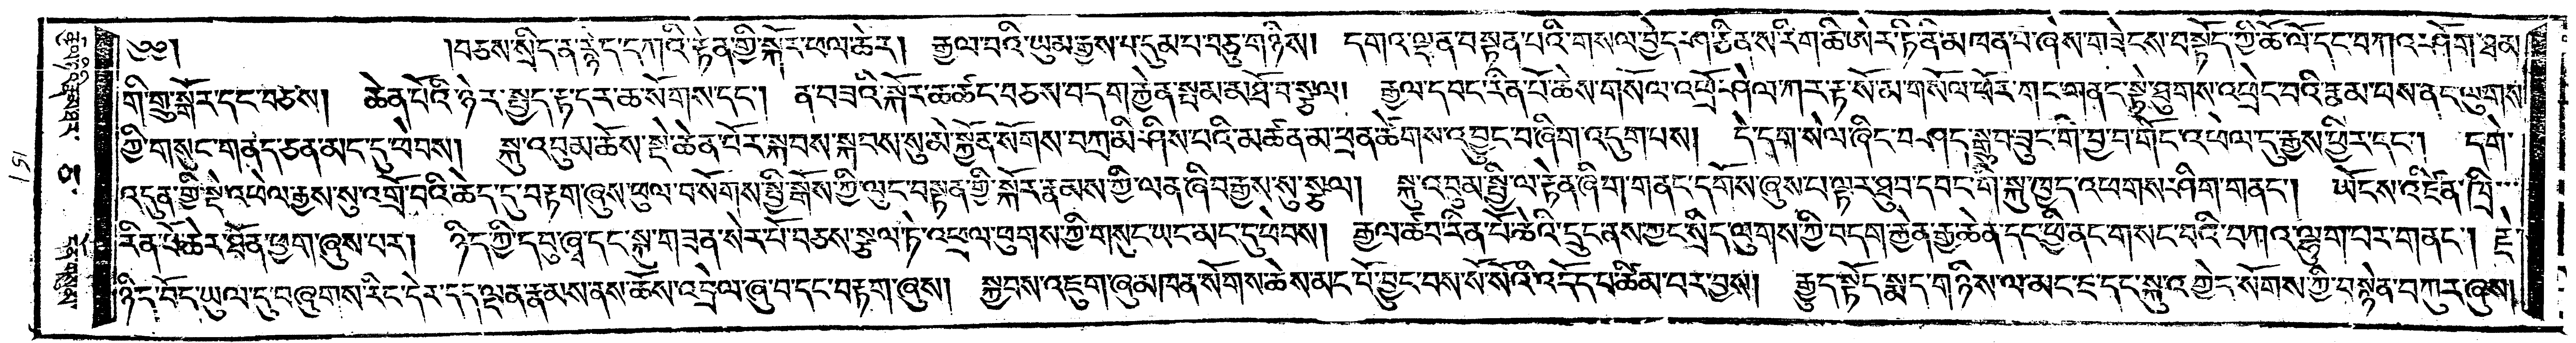༄༅། །བཅས་སྲིད་ན་རྙེད་དཀའི་རྟེན་གྱི་སྐོར་ཕལ་ཆེར། རྒྱལ་བའི་ཡུམ་རྒྱས་པ་དུམ་བ་བཅུ་གཉིས། དགའ་ལྡན་བསྟན་པའི་གསལ་བྱེད་ཤ་ཅིན་ས་རིག་ཆི་ཨེར་ཏི་ནི་མཁན་པ་ཞེས་གཟེངས་བསྟོད་ཀྱི་ཆོ་ལོ་དང་བཀའ་ཤོག་ཐམ་
གི་གྲུ་སྒོར་དང་བཅས། ཆེན་པོའི་ཉེར་སྤྱད་རྟ་དར་ཆ་སོགས་དང་། ན་བཟའི་སྐོར་ཆ་ཚང་བཅས་བདག་རྐྱེན་སྤམ་མཐོ་བ་སྩལ། རྒྱལ་དབང་རིན་པོ་ཆེས་གསོལ་འཕྲོ་ཤེལ་ཀར་རྟ་སོ་མ་གསོལ་ཕོར་གང་གནང་སྟེ་ཐུགས་འཕྲེང་བའི་རྣམ་བས་ནང་ལུགས་
ཀྱི་གསུང་གནད་ཅན་མང་དུ་ཕེབས། སྐུ་འབུམ་ཆོས་སྡེ་ཆེན་པོར་སྐབས་སྐབས་སུ་མེ་སྐྱོན་སོགས་བཀྲ་མི་ཤིས་བའི་མཚན་མ་ཕྲན་ཚོགས་འབྱུང་བ་ཞིག་འདུག་པས། དེ་དག་སེལ་ཞིང་བཤད་སྒྲུབ་ཟུང་གི་བྱ་བ་གོང་འཕེལ་དུ་རྒྱས་ཕྱིར་དང་། དགེ་
འདུན་གྱི་སྡེ་འཕེལ་རྒྱས་སུ་འགྲོ་བའི་ཆེད་དུ་བརྟག་ཞུས་ཕུལ་བ་སོགས་སྤྱི་སོགས་ཀྱི་ལུང་བསྟན་གྱི་སྐོར་རྣམས་ཀྱི་ལན་ཞིབ་རྒྱས་སུ་སྩལ། སྐུ་འབུམ་སྤྱི་ལ་རྟེན་ཞིག་གནང་དགོས་ཞུས་བ་ལྟར་ཐུབ་དབང་གི་སྐུ་ཁྱད་འཕགས་ཤིག་གནང་། ཡོངས་འཛིན་ཁྲི་
རིན་པོ་ཆེར་ཐོན་ཕྱག་ཞུས་བར། ཉིད་ཀྱི་དབུ་ཞྭ་དང་སྐུ་གཟན་སེར་པོ་བཅས་སྩལ་ཏེ་འཕྲལ་ཕུགས་ཀྱི་གསུང་ཡང་མང་དུ་ཕེབས། རྒྱལ་ཚབ་རིན་པོ་ཆེའི་དྲུང་ནས་ཀྱང་སྲིད་ལུགས་ཀྱི་བདག་རྐྱེན་རྒྱ་ཆེན་དང་ཕྱི་ནང་གསང་བའི་བཀའ་ལྷུག་བར་གནང་། རྗེ་
ཉིད་བོད་ཡུལ་དུ་བཞུགས་རིང་དེར་དད་ལྡན་རྣམས་ནས་ཆོས་འབྲེལ་ཞུ་བ་དང་བརྟག་ཞུས། སྐྱབས་འཇུག་ཞུ་མཁན་སོགས་ཆེས་མང་པོ་བྱུང་བས་སོ་སོའི་འདོད་པ་ཚིམ་པར་བྱས། རྒྱུད་སྟོད་སྨད་གཉིས་ལ་མང་ཇ་དང་སྐུ་འགྱེད་སོགས་ཀྱི་བསྙེན་བཀུར་ཞུས།